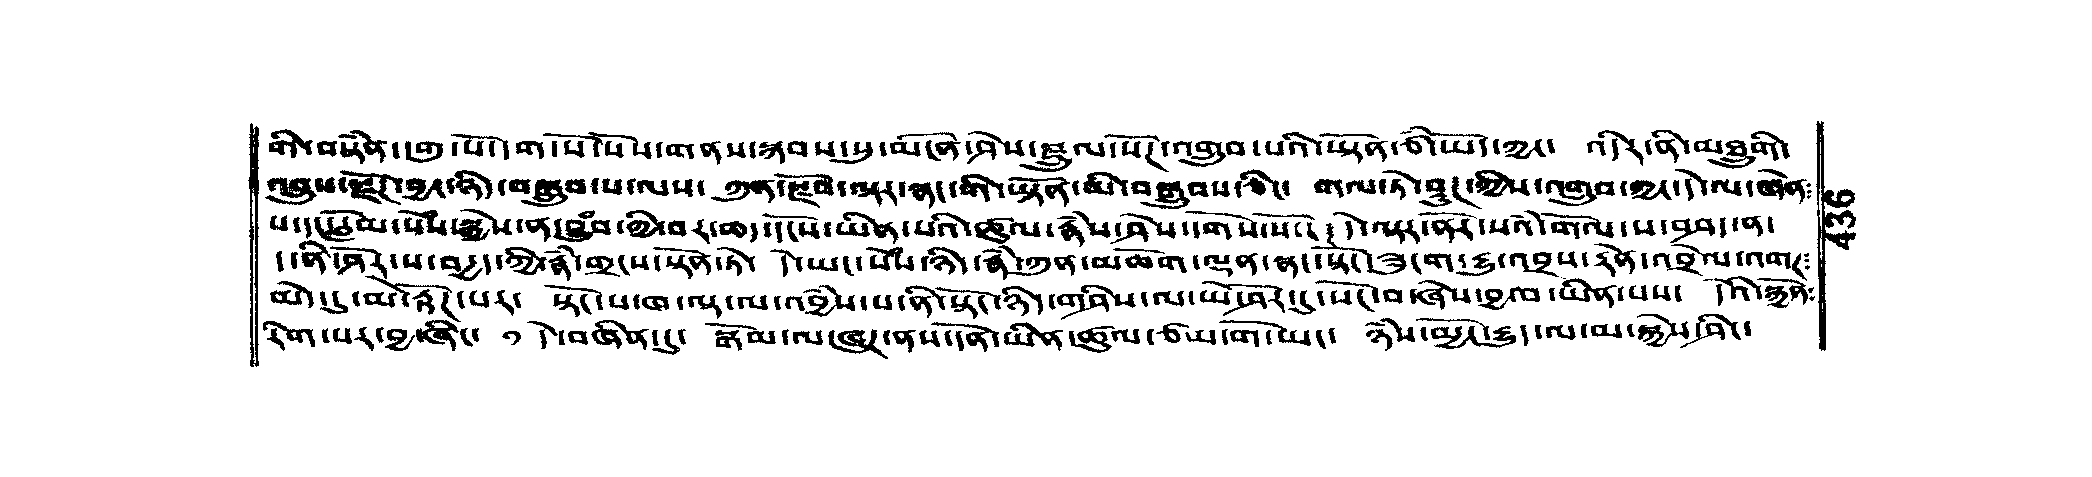གི་བསམ་གཏན་དགུ་པོ་དག་སོ་སོས་གནས་སྐབས་སུ་མངོན་ཤེས་རྫུ་འཕྲུལ་སོགས་འགྲུབ་པའི་ཡོན་ཏན་ཙམ་ཡོད་ཀྱང་། འདིར་ནི་མཐར་ཐུག་གི་
འབྲས་བུ་རྫོགས་བྱང་ཉིད་བསྒྲུབ་པ་ལས། ཀུན་རྫོབ་ལྟར་སྣང་གི་ཡོན་ཏན་མི་བསྒྲུབ་ཅིང་། གལ་ཏེ་ཤུགས་ཀྱིས་འགྲུབ་ཀྱང་དེ་ལ་ཞེན་
པ་དང་རློམ་སེམས་སྐྱེས་ན་བྱང་ཆུབ་ཀྱི་བར་ཆད་དངོས་ཡིན་པའི་ཚུལ་རྣམས་ཤེས་དགོས་སོ།། དེ་ལྟར་ནོར་སའམ་གོལ་ས་བཤད་ནས། 
ད་ནི་ཤོར་ས་བརྒྱད་ཀྱི་རྣམ་གྲངས་སྟོན་ཏེ། དེ་ཡང་སེམས་ཉིད་རྣམ་ཀུན་མཆོག་ལྡན་སྣང་སྟོང་ཟུང་འཇུག་རྒྱུ་འབྲས་རྟེན་འབྲེལ་འགགས་
མེད་དུ་མ་རྟོགས་པར། སྟོང་པ་ཁ་ལྟ་ལ་འབྱམས་པ་ནི་སྟོང་ཉིད་གཤིས་ལ་ཡེ་ཤོར་དུ་སོང་ཞེས་བྱ་བ་ཡིན་པས། དེའི་སྐྱོན་
རིག་པར་བྱ་ཞིང་། དེ་བཞིན་དུ། སྒོམ་ལ་བཞུགས་ནས་དོན་ཡིན་ཚུལ་ཙམ་གོ་ཡང་། ཉམས་མྱོང་རྒྱུད་ལ་མ་སྐྱེས་ཤིང་